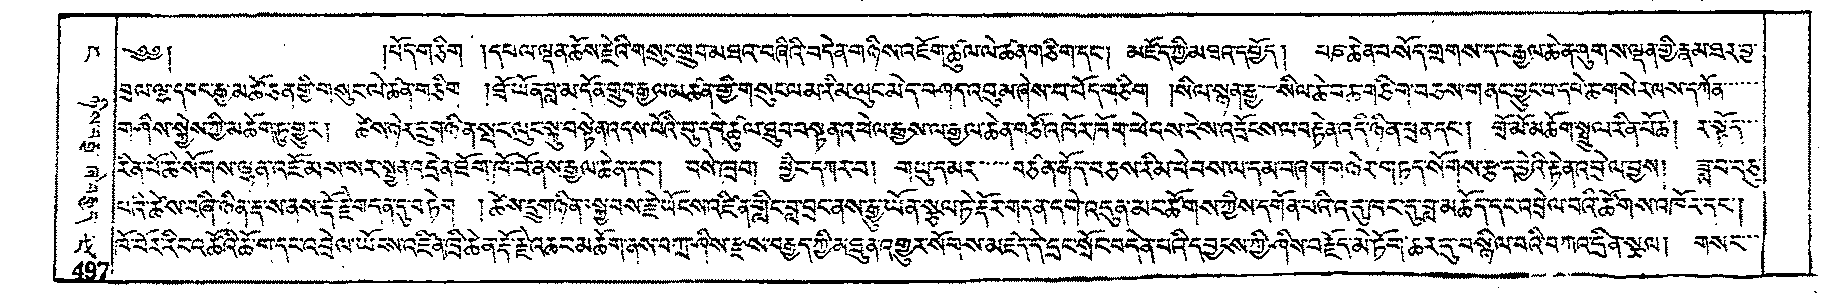༄༅། །པོད་གཅིག །དཔལ་ལྡན་ཆོས་རྗེའི་གསུང་གྲུབ་མཐའ་བཞིའི་བདེན་གཉིས་འཇོག་ཚུལ་ལེ་ཚན་གཅིག་དང་། མཛོད་ཀྱི་མཐའ་དཔྱོད། པཎ་ཆེན་བསོད་གྲགས་དང་རྒྱལ་ཆེན་ཤུགས་ལྡན་གྱི་རྣམ་ཐར་བྱ་
བྲལ་ལྷ་དབང་རྒྱ་མཚོ་ཅན་གྱི་གསུང་ལེ་ཚན་གཅིག །ཐོ་ཡོན་བླ་མ་དོན་གྲུབ་རྒྱལ་མཚན་གྱི་གསུང་ལམ་རིམ་ལུང་མེད་བཤད་འབུམ་ཞེས་པ་པོད་གཅིག །སིལ་སྙན་རྒྱ་སིལ་ཆེ་བ་ཆ་གཅིག་བཅས་གནང་བྱུང་བ་དཔེ་ཆ་གསེར་ལས་དཀོན་
གཤིས་སྐྱེས་ཀྱི་མཆོག་ཏུ་གྱུར། ཚེས་ཉེར་དྲུག་ཉིན་སྤང་ལུང་སྐུ་བསྟེན་འདས་པོའི་བུ་དགེ་ཚུལ་ཐུབ་བསྟན་འཕེལ་རྒྱས་ལ་རྒྱལ་ཆེན་གཙོ་འཁོར་ཁོག་ཕེབས་ངེས་འདྲོངས་ལ་བརྟེན་འདི་ཉིན་ཕྲན་དང་། གྲོ་མོ་མཆོག་སྤྲུལ་རིན་པོ་ཆེ། ར་སྟོད་
རིན་པོ་ཆེ་སོགས་ལྷན་འཛོམས་སར་སྤྱན་འདྲེན་ཐོག་ཁོ་བོ་ནས་རྒྱལ་ཆེན་དང་། བསེ་ཁྲབ། ཕྱིང་དཀར་བ། གཡུ་དམར་བཙན་རྒོད་བཅས་རིམ་ཕེབས་ལ་དམ་བཞག་གཉེར་གཏད་སོགས་རྩ་དབྱེའི་རྟེན་འབྲེལ་བྱས། ཟླ་བ་བཅུ་
པའི་ཚེས་བཞི་ཉིན་རྡ་ས་ནས་རྡོ་རྗེ་གདན་དུ་བཏེག །ཚེས་དྲུག་ཉིན་༧སྐྱབས་རྗེ་ཡོངས་འཛིན་གླིང་བླ་བྲང་ནས་རྒྱུ་ཡོན་སྩལ་ཏེ་རྡོར་གདན་དགེ་འདུན་མང་ཚོགས་ཀྱིས་དགོན་པའི་འདུ་ཁང་དུ་བླ་མཆོད་དང་འབྲེལ་བའི་ཚོགས་འཁོར་དང་།
ཁོ་བོར་རིང་འཚོའི་ཆོ་ག་དང་འབྲེལ་ཡོངས་འཛིན་ཁྲི་ཆེན་རྡོ་རྗེ་འཆང་མཆོག་ནས་བཀྲ་ཤིས་རྫས་བརྒྱད་ཀྱི་མཐུན་འགྱུར་སོགས་མཛད་དེ་དྲང་སྲོང་བདེན་པའི་དབྱངས་ཀྱི་ཤིས་བརྗོད་མེ་ཏོག་ཆར་དུ་བསྙིལ་བའི་བཀའ་དྲིན་སྩལ། གསང་